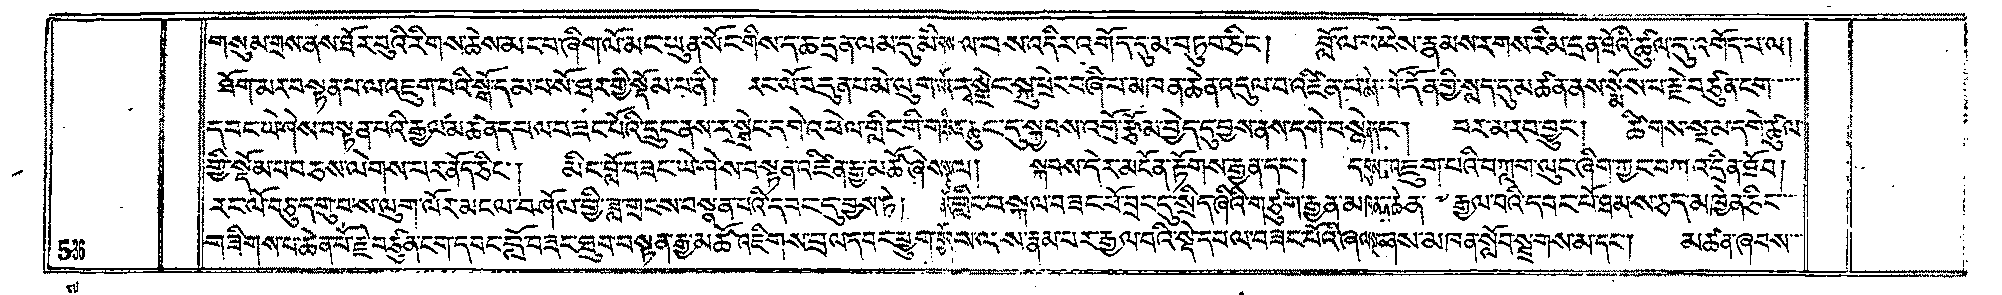གསུམ་གྲས་ནས་ཐོར་བུའི་རིགས་ཆེས་མང་བ་ཞིག་ལོ་མང་ཡུན་སོང་གིས་ད་ཆ་དྲན་ལམ་དུ་མི་གསལ་བས་འདིར་འགོད་དུ་མ་བཏུབ་ཅིང་། བློ་ལ་གང་ངེས་རྣམས་རགས་རིམ་དྲན་ཐོའི་ཚུལ་དུ་འགོད་པ་ལ།
ཐོག་མར་བསྟན་པ་ལ་འཇུག་པའི་སྒོ་དམ་པ་སོ་ཐར་གྱི་སྡོམ་པ་ནི། རང་ལོ་བདུན་པ་མེ་ལུག་ལོར་རྭ་སྒྲེང་སྐུ་ཕྲེང་བཞི་པ་མཁན་ཆེན་འདུལ་བ་འཛིན་པ་ཆེན་པོ་དོན་གྱི་སླད་དུ་མཚན་ནས་སྨོས་པ་རྗེ་བཙུན་ངག་
དབང་ཡེ་ཤེས་བསྟན་པའི་རྒྱལ་མཚན་དཔལ་བཟང་པོའི་དྲུང་ནས་རྭ་སྒྲེང་དགེ་འཕེལ་གླིང་གི་གཟིམ་ཆུང་དུ་སྐྱབས་འགྲོ་རྩོམ་བྱེད་དུ་བྱས་ནས་དགེ་བསྙེན་དང་། བར་མ་རབ་བྱུང་། ཚིགས་སྔ་མ་དགེ་ཚུལ་
གྱི་སྡོམ་པ་བཅས་ལེགས་པར་ནོད་ཅིང་། མིང་བློ་བཟང་ཡེ་ཤེས་བསྟན་འཛིན་རྒྱ་མཚོ་ཞེས་སྩལ། སྐབས་དེར་མངོན་རྟོགས་རྒྱན་དང་། དབུ་མ་འཇུག་པའི་བཀླག་ལུང་ཞིག་ཀྱང་བཀའ་དྲིན་ཐོབ།
རང་ལོ་བཅུ་དགུ་པ་ས་ལུག་ལོར་མངལ་བཤོལ་གྱི་ཟླ་གྲངས་བསྣན་པའི་དབང་དུ་བྱས་ཏེ། ནོར་གླིང་བསྐལ་བཟང་ཕོ་བྲང་དུ་སྲིད་ཞིའི་གཙུག་རྒྱན་མཁན་ཆེན ༧རྒྱལ་བའི་དབང་པོ་ཐམས་ཅད་མཁྱེན་ཅིང་
གཟིགས་པ་ཆེན་པོ་རྗེ་བཙུན་ངག་དབང་བློ་བཟང་ཐུབ་བསྟན་རྒྱ་མཚོ་འཇིགས་བྲལ་དབང་ཕྱུག་ཕྱོགས་ལས་རྣམ་པར་རྒྱལ་བའི་སྡེ་དཔལ་བཟང་པོའི་ཞལ་སྔ་ནས་མཁན་སློབ་སྦྲགས་མ་དང་། མཚན་ཞབས་